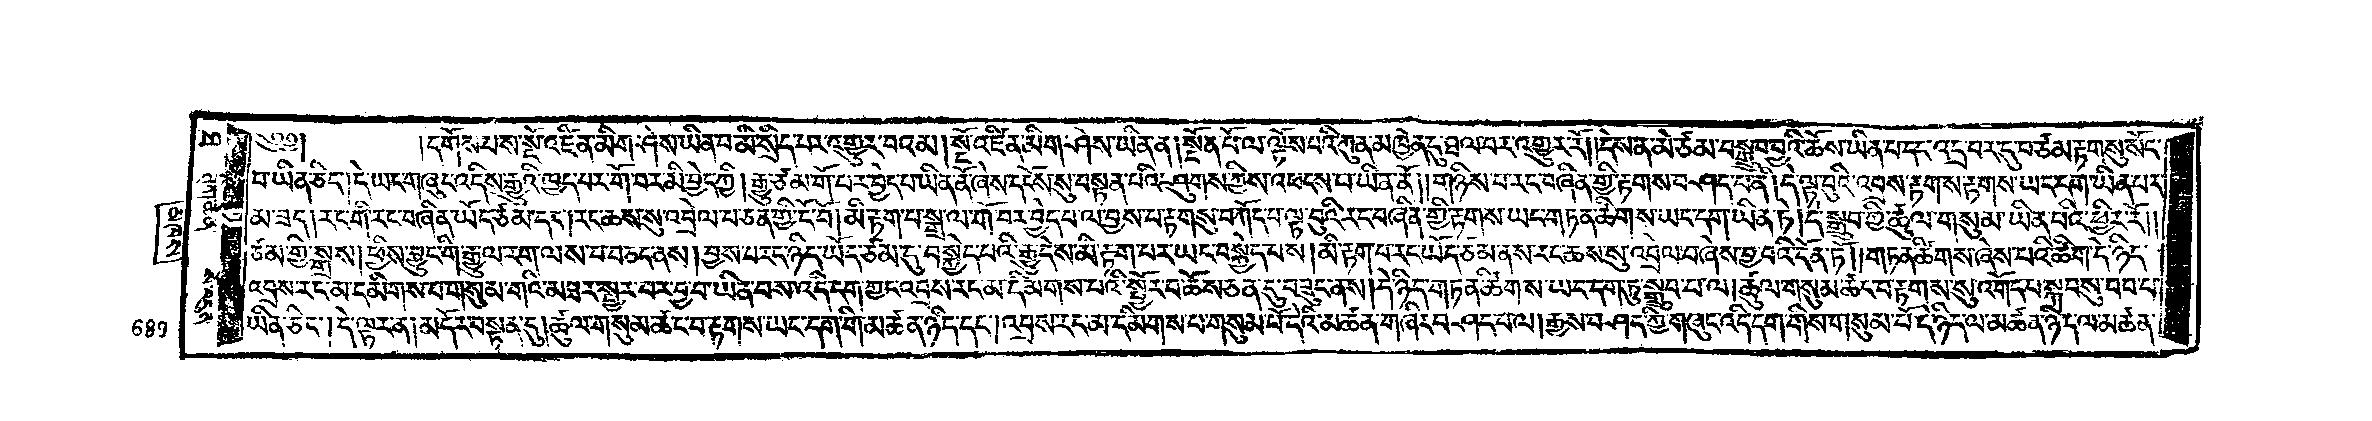༄༅། །དགོས་པས་སྔོ་འཛིན་མིག་ཤེས་ཡིན་པ་མི་སྲིད་པར་འགྱུར་བའམ། སྔོ་འཛིན་མིག་ཤེས་ཡིན་ན། སྔོན་པོ་ལ་ལྟོས་པའི་ཀུན་མཁྱེན་དུ་ཐལ་བར་འགྱུར་རོ། །དེས་ན་མེ་ཙམ་བསྒྲུབ་བྱའི་ཆོས་ཡིན་པ་དང་འདྲ་བར་དུ་བ་ཙམ་རྟགས་སུ་སོང་
བ་ཡིན་ཅིང་། དེ་ཡང་གཞུང་འདིས་རྒྱུའི་ཁྱད་པར་གོ་བར་མི་བྱེད་ཀྱི། རྒྱུ་ཙམ་གོ་བར་བྱེད་པ་ཡིན་ནོ་ཞེས་དངོས་སུ་བསྟན་པའི་ཤུགས་ཀྱིས་འཕངས་པ་ཡིན་ནོ། །གཉིས་པ་རང་བཞིན་གྱི་རྟགས་བཤད་པ་ནི། དེ་ལྟ་བུའི་འབྲས་རྟགས་རྟགས་ཡང་དག་ཡིན་པར་
མ་ཟད། རང་གི་རང་བཞིན་ཡོད་ཙམ་དང་། རང་ཆས་སུ་འབྲེལ་པ་ཅན་གྱི་ངོ་བོ། མི་རྟག་པ་སྒྲ་ལ་གོ་བར་བྱེད་པ་ལ་བྱས་པ་རྟགས་སུ་བཀོད་པ་ལྟ་བུའི་རང་བཞིན་གྱི་རྟགས་ཡང་གཏན་ཚིགས་ཡང་དག་ཡིན་ཏེ། དེ་སྒྲུབ་ཀྱི་ཚུལ་གསུམ་ཡིན་པའི་ཕྱིར་རོ། །
ཙམ་གྱི་སྒྲས། ཕྱིས་བྱུང་གི་རྒྱུ་ལ་རག་ལས་པ་བཅད་ནས། བྱས་པ་རང་ཉིད་ཡོད་ཙམ་དུ་བསྐྱེད་པའི་རྒྱུ་དེས་མི་རྟག་པར་ཡང་བསྐྱེད་པས། མི་རྟག་པ་རང་ཡོད་ཙམ་ནས་རང་ཆས་སུ་འབྲེལ་བ་ཞེས་བྱ་བའི་དོན་ཏོ། །གཏན་ཚིགས་ཞེས་པའི་ཚིག་དེ་ཉིད་
འབྲས་རང་མ་དམིགས་པ་གསུམ་གའི་མཐར་སྦྱར་བར་བྱ་བ་ཡིན་པས་འདི་དག་ཀྱང་འབྲས་རང་མ་དམིགས་པའི་སྦྱོར་བ་ཆོས་ཅན་དུ་བཟུང་ནས། དེ་ཉིད་གཏན་ཚིགས་ཡང་དག་ཏུ་སྒྲུབ་པ་ལ། ཚུལ་གསུམ་ཚང་བ་རྟགས་སུ་འགོད་པ་སྐབས་སུ་བབ་པ་
ཡིན་ཅིང་། དེ་ལྟར་ན། མདོར་བསྟན་དུ། ཚུལ་གསུམ་ཚང་བ་རྟགས་ཡང་དག་གི་མཚན་ཉིད་དང་། འབྲས་རང་མ་དམིགས་པ་གསུམ་པོ་དེའི་མཚན་གཞིར་བཤད་པ་ལ། རྒྱས་བཤད་ཀྱི་གཞུང་འདི་དག་གིས་གསུམ་པོ་དེ་ཉིད་ལ་མཚན་ཉིད་ལ་མཚན་